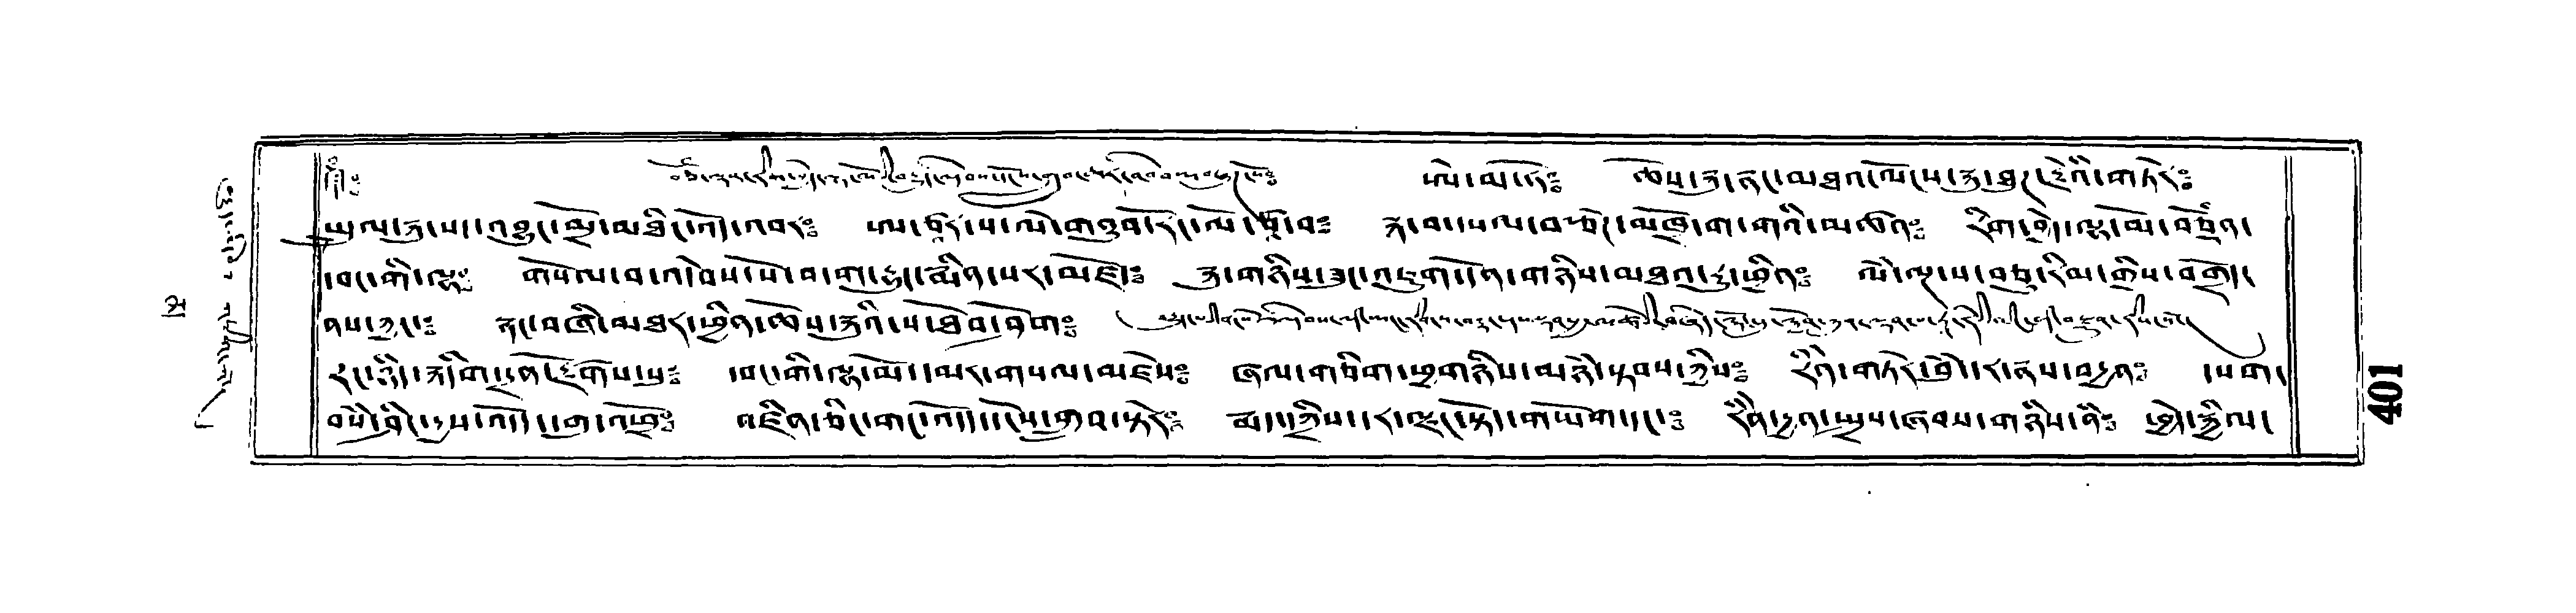བཅོམ་ལྡན་རིག་བྱེད་ལྷ་མོའི་བརྒྱུད་འདེབས་དངོས་གྲུབ་ཆར་འབེབས་བཞུགས་སོ༔ ཨེ་མ་ཧོཿ ཆོས་སྐུ་སྣང་མཐའ་ལོངས་སྐུ་ཐུགས་རྗེའི་གཏེར༔ 
སྤྲུལ་སྐུ་པད་འབྱུང་མཁའ་འགྲོ་མཐིང་འོད་འབར༔ ཨ་ཙཱར་ས་ལེ་གནུབས་རོང་ལོ་ཙཱ་བ༔ སྐ་བ་དཔལ་བརྩེགས་མཁའ་འགྲོ་ག་གའི་མཚན༔ རིག་བྱེད་ལྷ་མོ་བཅོམ་ལྡན་
དབང་གི་ལྷ༔ གསོལ་བ་འདེབས་སོ་བདག་རྒྱུད་སྨིན་པར་མཛོད༔ སྐུ་གཉིས་ཟུང་འཇུག་དོན་གཉིས་མཐའ་རུ་ཕྱིན༔ ལམ་ལྔ་ས་བཅུ་རིམ་གྱིས་བགྲོད་
ནས་ཀྱང༔ སྣང་བཞི་མཐར་ཕྱིར་ཆོས་སྐུའི་ས་ཐོབ་ཤོག༔ བརྒྱུད་པའི་གསོལ་འདེབས་འདི་ཡང་རིགས་བཟང་དཔལ་ལྡན་རྒྱ་མཚོའི་བཞེད་སྐོང་དུ་སྐྱོན་ཀུན་ལྡན་པ་ཏཱ་རེའི་མིང་གི་བརྫུན་རིས་སོ།། 
རང་ཉིད་སྐད་ཅིག་དྲན་རྫོགས་སུ༔ དབང་གི་ལྷ་མོ་དམར་གསལ་མཛེས༔ ཞལ་གཅིག་ཕྱག་གཉིས་མཉམ་སྟབས་ཀྱིས༔ རིན་ཆེན་གཏེར་བུམ་དར་སྣས་བརྒྱན༔ དཔག་
བསམ་ཤིང་རྒྱས་འདོད་དགུ་འཕྲོ༔ འཛིན་ཅིང་གང་འདོད་དངོས་གྲུབ་སྟེར༔ སྨད་དཀྲིས་དར་ལྗང་སྟོད་གཡོགས་དང༔ རིན་ཆེན་རྒྱན་སྤྲས་ཞབས་གཉིས་ནི༔ ཕྱེད་སྐྱིལ་